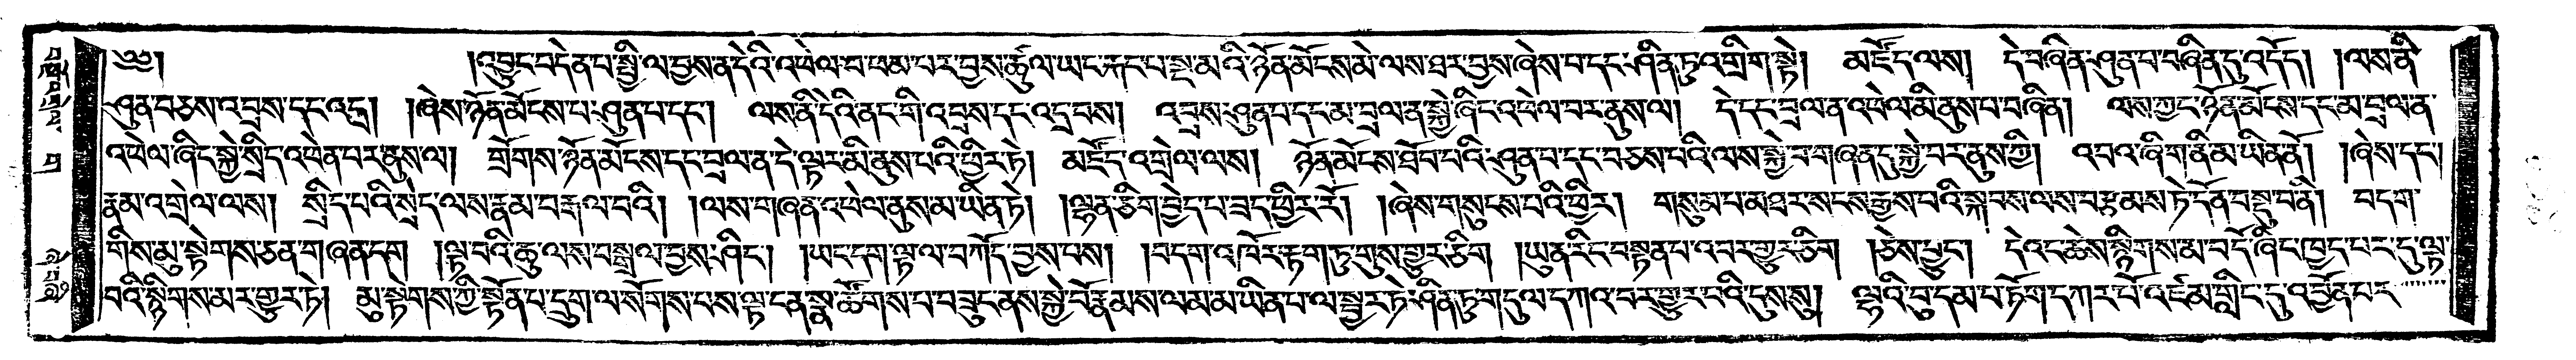༄༅། །འབྱུང་བདེན་པ་སྤྱི་ལ་བྱས་ན་དེའི་འཕེལ་བ་ཕམ་པར་བྱས་ཚུལ་ཡང་རྐང་བ་སྔ་མའི་ཉོན་མོངས་མེ་ལས་ཐར་བྱས་ཞེས་པ་དང་ཤིན་ཏུ་འགྲིག་སྟེ། མཛོད་ལས། དེ་བཞིན་ཤུན་བ་བཞིན་དུ་འདོད། །ལས་ནི་
ཤུན་བཅས་འབྲས་དང་འདྲ། །ཞེས་ཉོན་མོངས་པ་ཤུན་པ་དང་། ལས་ནི་དེའི་ནང་གི་འབྲས་དང་འདྲ་བས། འབྲས་ཤུན་པ་དང་མ་བྲལ་ན་སྐྱེ་ཞིང་འབེལ་བར་ནུས་ལ། དེ་དང་བྲལ་ན་འབེལ་མི་ནུས་པ་བཞིན། ལས་ཀྱང་ཉོན་མོངས་དང་མ་བྲལ་ན་
འཕེལ་ཞིང་སྐྱེ་སྲིད་འཕེན་པར་ནུས་ལ། གྲོགས་ཉོན་མོངས་དང་བྲལ་ན་དེ་ལྟར་མི་ནུས་པའི་ཕྱིར་ཏེ། མཛོད་འགྲེལ་ལས། ཉོན་མོངས་ཐོབ་པའི་ཤུན་བ་དང་བཅས་པའི་ལས་སྐྱེ་བ་གཞན་དུ་སྐྱེ་བར་ནུས་ཀྱི། འབའ་ཞིག་ནི་མ་ཡིན་ནོ། །ཞེས་དང་།
རྣམ་འགྲེལ་ལས། སྲིད་པའི་སྲེད་ལས་རྣམ་བརྒལ་བའི། །ལས་གཞན་འཕེལ་ནུས་མ་ཡིན་ཏེ། །ལྷན་ཅིག་བྱེད་པ་ཟད་ཕྱིར་རོ། །ཞེས་གསུངས་པའི་ཕྱིར། གསུམ་པ་མཐར་སངས་རྒྱས་པའི་སྐབས་ལས་བརྩམས་ཏེ་དོན་བསྡུ་བ་ནི། བདག་
གིས་མུ་སྟེགས་ཅན་གཞན་དག །ལྟ་བའི་ཆུ་ལས་བསྒྲལ་བྱས་ཤིང་། །ཡང་དག་ལྟ་ལ་བཀོད་བྱས་པས། །བདག་འཁོར་རྟག་ཏུ་གུས་གྱུར་ཅིག །ཡུན་རིང་བསྟན་པ་འབར་གྱུར་ཅིག །ཅེས་བྱུང་། དེའང་ཆེས་སྙིགས་མ་བོད་ཞིང་ཁྱད་པར་དུ་ལྟ་
བའི་སྙེགས་མར་གྱུར་ཏེ། མུ་སྟེགས་ཀྱི་སྟོན་པ་དྲུག་ལ་སོགས་པས་སྟ་ངན་སྣ་ཚོགས་པ་བཟུང་ནས་སྐྱེ་བོ་རྣམས་ལམ་མ་ཡིན་པ་ལ་སྦྱར་ཏེ་ཤིན་ཏུ་གདུལ་དཀའ་བར་གྱུར་པའི་དུས་སུ། ལྷའི་བུ་དམ་པ་ཏོག་དཀར་པོ་འཛམ་གླིང་དུ་འབྱོན་པར་